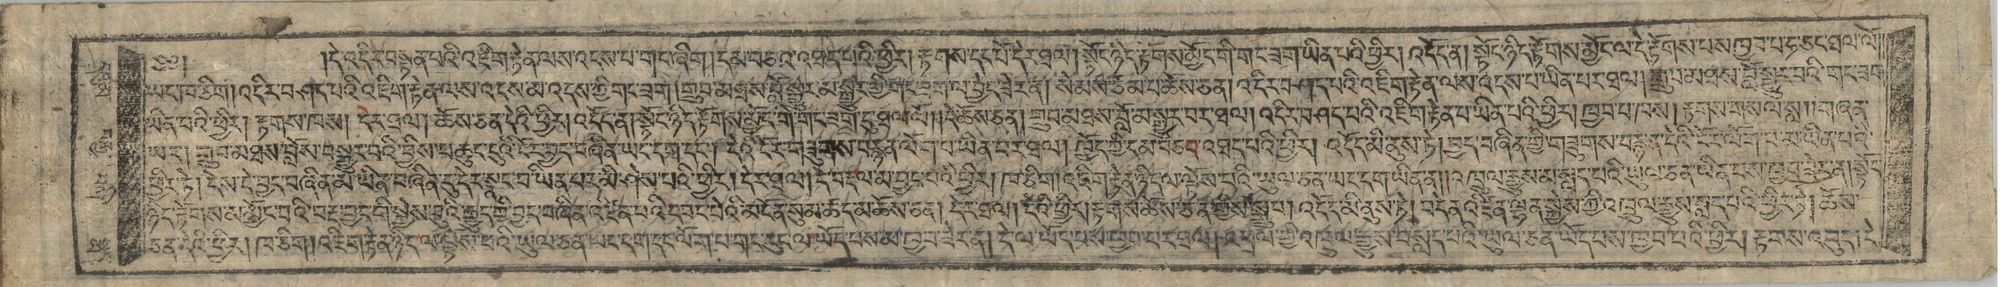༄༅། །དེ་འདིར་བསྟན་པའི་འཇིག་རྟེན་ལས་འདས་པ་གང་ཞིག །དམ་བཅའ་འཐད་པའི་ཕྱིར། རྟགས་དང་པོ་དེར་ཐལ། སྟོང་ཉིད་རྟོགས་མྱོང་གི་གང་ཟག་ཡིན་པའི་ཕྱིར། འདོད་ན། སྟོང་ཉིད་རྟོགས་མྱོང་ལ་དེ་རྟོགས་པས་ཁྱབ་པ་ཧ་ཅང་ཐལ་ལོ།
ཡང་ཁ་ཅིག ། འདིར་བཤད་པའི་འཇིག་རྟེན་ལས་འདས་མ་འདས་ཀྱི་གང་ཟག ། གྲུབ་མཐས་བློ་སྒྱུར་མ་སྒྱུར་གྱི་གང་ཟག་ལ་བྱེད་ཟེར་ན། སེམས་ཙམ་པ་ཆོས་ཅན། འདིར་བཤད་པའི་འཇིག་རྟེན་ལས་འདས་པ་ཡིན་པར་ཐལ། གྲུབ་མཐས་བློ་སྒྱུར་བའི་གང་ཟག་
ཡིན་པའི་ཕྱིར། རྟགས་ཁས། དེར་ཐལ། ཆོས་ཅན་དེའི་ཕྱིར། འདོད་ན། སྟོང་ཉིད་རྟོགས་མྱོང་གི་གང་ཟག་དུ་ཐལ་ལོ། །དེ་ཆོས་ཅན། གྲུབ་མཐས་བློ་མ་སྒྱུར་བར་ཐལ། འདིར་བཤད་པའི་འཇིག་རྟེན་པ་ཡིན་པའི་ཕྱིར། ཁྱབ་པ་ཁས། རྟགས་གསལ་སླ། །གཞན་
ཡང་། གྲུབ་མཐས་བློ་?་བསྒྱུར་པའི་བྱིས་པ་ཆུང་ངུའི་ངོར་བྱད་བཞིན་ཡང་དག་དང་། དེའི་ངོར་གཟུགས་བརྙན་ལོག་པ་ཡིན་པར་ཐལ། ཁྱོད་ཀྱི་དམ་བཅའ་འཐད་པའི་ཕྱིར། འདོད་མི་ནུས་ཏེ། བྱད་བཞིན་གྱི་གཟུགས་བརྙན་དེའི་ངོར་ལོག་པ་མ་ཡིན་པའི་
ཕྱིར་ཏེ། དེས་དེ་བྱད་བཞིན་མ་ཡིན་བཞིན་དུ་དེར་སྣང་བ་ཡིན་པར་མི་ཤེས་པའི་ཕྱིར། དེར་ཐལ། དེ་བརྡ་ལ་མ་བྱང་བའི་ཕྱིར། ཁ་ཅིག ། འཇིག་རྟེན་ཉིད་ལ་ལྟོས་པའི་ཡུལ་ཅན་ཡང་དག་ཡིན་ན། །འཁྲུལ་རྒྱུས་མ་སླད་པའི་ཡུལ་ཅན་ཡིན་པས་ཁྱབ་ཟེར་ན། སྟོང་
ཉིད་རྟོགས་མ་མྱོང་བའི་བརྡ་བྱང་གི་སྐྱེས་བུའི་རྒྱུད་ཀྱི་བྱད་བཞིན་འཛིན་པའི་དབང་པོའི་མངོན་སུམ་ཚད་མ་ཆོས་ཅན། དེར་ཐལ། དེའི་ཕྱིར། རྟགས་ཆོས་ཅན་གྱིས་སྒྲུབ། འདོད་མི་ནུས་ཏེ། བདེན་འཛིན་ལྷན་སྐྱེས་ཀྱི་འཁྲུལ་རྒྱུས་སླད་པའི་ཕྱིར་ཏེ། ཆོས་
ཅན་དེའི་ཕྱིར། ཁ་ཅིག ། འཇིག་རྟེན་ཉིད་ལ་ལྟོས་པའི་ཡུལ་ཅན་ཡང་དག་དང་ལོག་པ་གང་རུང་ལ་ཡོད་པས་མ་ཁྱབ་ཟེར་ན། དེ་ལ་ཡོད་པས་ཁྱབ་པར་ཐལ། འཕྲལ་གྱི་འཁྲུལ་རྒྱུས་བསླད་པའི་ཡུལ་ཅན་ཡོད་པས་ཁྱབ་པའི་ཕྱིར། རྟགས་འབུད། དེ་